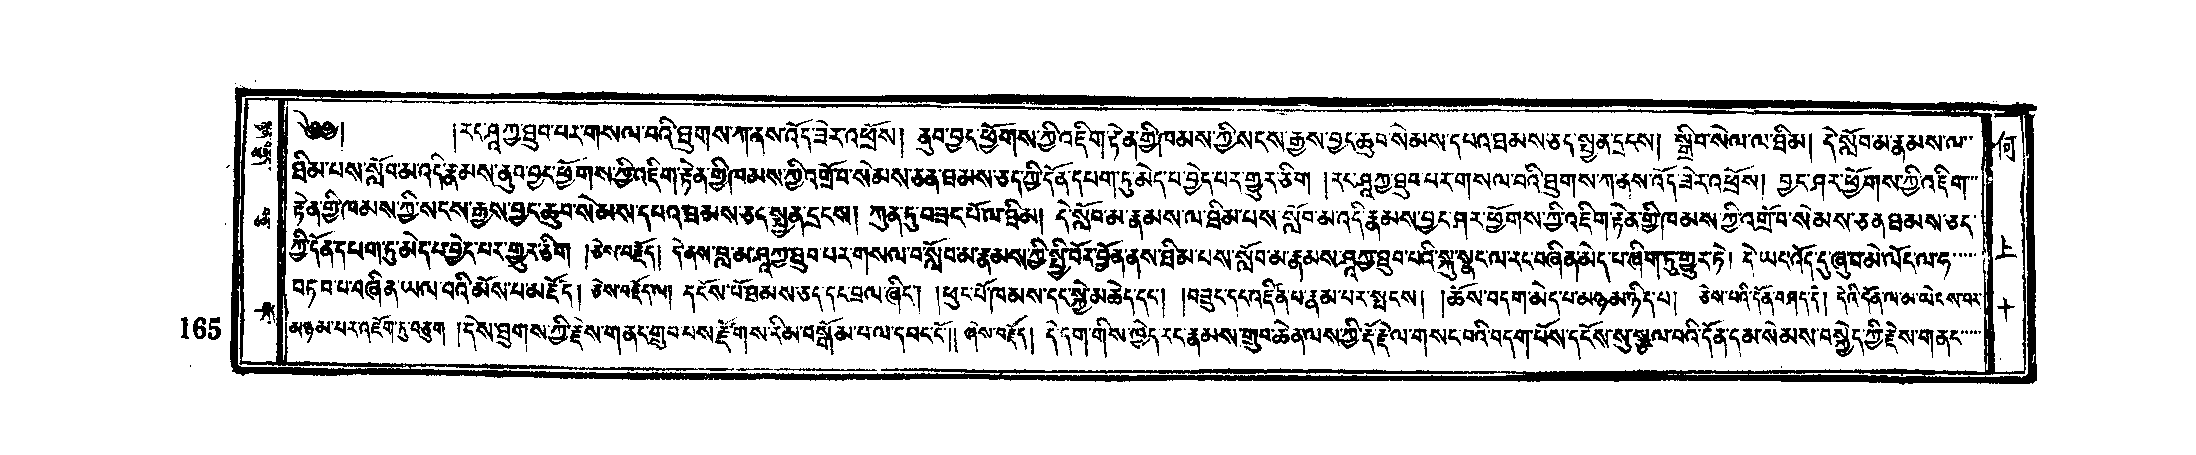༄༅། །རང་ཤཱཀྱ་ཐུབ་པར་གསལ་བའི་ཐུགས་ཀ་ནས་འོད་ཟེར་འཕྲོས། ནུབ་བྱང་ཕྱོགས་ཀྱི་འཇིག་རྟེན་གྱི་ཁམས་ཀྱི་སངས་རྒྱས་བྱང་ཆུབ་སེམས་དཔའ་ཐམས་ཅད་སྤྱན་དྲངས། སྒྲིབ་སེལ་ལ་ཐིམ། དེ་སློབ་མ་རྣམས་ལ་
ཐིམ་པས་སློབ་མ་འདི་རྣམས་ནུབ་བྱང་ཕྱོགས་ཀྱི་འཇིག་རྟེན་གྱི་ཁམས་ཀྱི་འགྲོ་བ་སེམས་ཅན་ཐམས་ཅད་ཀྱི་དོན་དཔག་ཏུ་མེད་པ་བྱེད་པར་གྱུར་ཅིག །རང་ཤཱཀྱ་ཐུབ་པར་གསལ་བའི་ཐུགས་ཀ་ནས་འོད་ཟེར་འཕྲོས། བྱང་ཤར་ཕྱོགས་ཀྱི་འཇིག་
རྟེན་གྱི་ཁམས་ཀྱི་སངས་རྒྱས་བྱང་ཆུབ་སེམས་དཔའ་ཐམས་ཅད་སྤྱན་དྲངས། ཀུན་ཏུ་བཟང་པོ་ལ་ཐིམ། དེ་སློབ་མ་རྣམས་ལ་ཐིམ་པས་སློབ་མ་འདི་རྣམས་བྱང་ཤར་ཕྱོགས་ཀྱི་འཇིག་རྟེན་གྱི་ཁམས་ཀྱི་འགྲོ་བ་སེམས་ཅན་ཐམས་ཅད་
ཀྱི་དོན་དཔག་ཏུ་མེད་པ་བྱེད་པར་གྱུར་ཅིག །ཅེས་བརྗོད། དེ་ནས་བླ་མ་ཤཱཀྱ་ཐུབ་པར་གསལ་བ་སློབ་མ་རྣམས་ཀྱི་སྤྱི་བོར་བྱོན་ནས་ཐིམ་པས་སློབ་མ་རྣམས་ཤཱཀྱ་ཐུབ་པའི་སྐུ་སྣང་ལ་རང་བཞིན་མེད་པ་ཞིག་ཏུ་གྱུར་ཏེ། དེ་ཡང་འོད་དུ་ཞུ་བ་མེ་ལོང་ལ་ཧ་
བཏབ་པ་བཞིན་ཡལ་བའི་མོས་པ་མཛོད། ཅེས་བརྗོད་ལ། དངོས་པོ་ཐམས་ཅད་དང་བྲལ་ཞིང་། །ཕུང་པོ་ཁམས་དང་སྐྱེ་མཆེད་དང་། །བཟུང་དང་འཛིན་པ་རྣམ་པར་སྤངས། །ཆོས་བདག་མེད་པ་མཉམ་ཉིད་པ། ཅེས་པའི་དོན་བཤད་དེ། དེའི་དོན་ལ་མ་ཡེངས་པར་
མཉམ་པར་འཇོག་ཏུ་བཅུག །དེས་ཐུགས་ཀྱི་རྗེས་གནང་གྲུབ་པས་རྫོགས་རིམ་བསྒོམ་པ་ལ་དབང་ངོ། །ཞེས་བརྗོད། དེ་དག་གིས་ཁྱེད་རང་རྣམས་གྲུབ་ཆེན་ལས་ཀྱི་རྡོ་རྗེ་ལ་གསང་བའི་བདག་པོས་དངོས་སུ་སྩལ་བའི་དོན་དམ་སེམས་བསྐྱེད་ཀྱི་རྗེས་གནང་